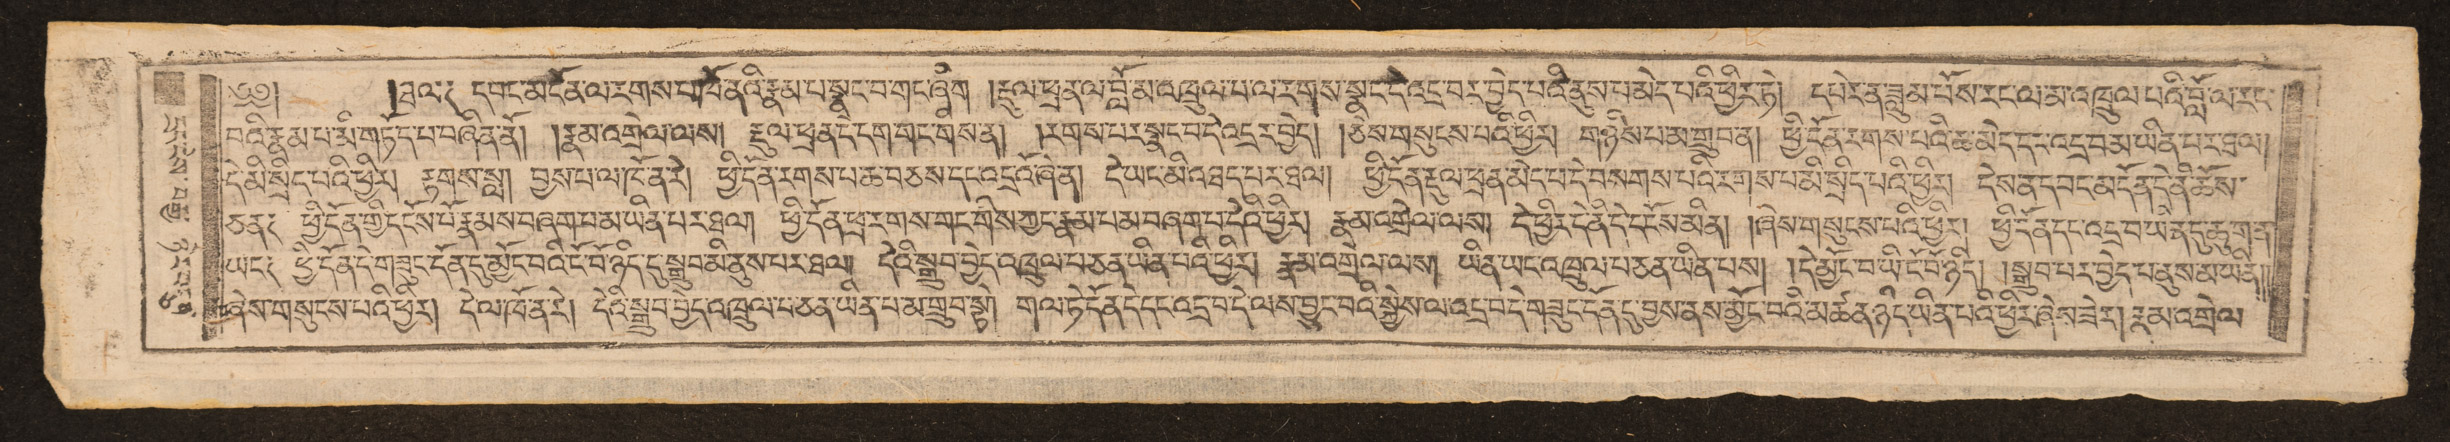༄༅། །ཐལ༑ དབང་མངོན་ལ་རགས་པ་ཁོ་ནའི་རྣམ་པ་སྣང་བ་གང་ཞིག །རྡུལ་ཕྲན་ལ་བློ་མ་འཁྲུལ་པ་ལ་རགས་སྣང་དེ་འདྲ་བར་བྱེད་པའི་ནུས་པ་མེད་པའི་ཕྱིར་ཏེ། དཔེར་ན་ཟླུམ་པོས་རང་ལ་མ་འཁྲུལ་པའི་བློ་ལ་རང་
བའི་རྣམ་པ་མི་གཏོད་པ་བཞིན་ནོ། །རྣམ་འགྲེལ་ལས། རྡུལ་ཕྲན་དེ་དག་གང་གིས་ན། །རགས་པར་སྣང་བ་དེ་འདྲར་བྱེད། །ཅེས་གསུངས་པའི་ཕྱིར། གཉིས་པ་མ་གྲུབ་ན། ཕྱི་དོན་རགས་པའི་ཆ་མེད་དང་འདྲ་བ་མ་ཡིན་པར་ཐལ།
དེ་མི་སྲིད་པའི་ཕྱིར། རྟགས་སླ། བྱས་པ་ལ་ཁོ་ན་རེ། ཕྱི་དོན་རགས་པ་ཆ་བཅས་དང་འདྲའོ་ཞེ་ན། དེ་ཡང་མི་འཐད་པར་ཐལ། ཕྱི་དོན་རྡུལ་ཕྲན་མེད་པ་དེ་བསགས་པའི་རགས་པ་མི་སྲིད་པའི་ཕྱིར། དེས་ན་དབང་མངོན་དེ་ནི་ཆོས་
ཅན༑ ཕྱི་དོན་གྱི་དངོས་པོ་རྣམས་བཞག་པ་མ་ཡིན་པར་ཐལ། ཕྱི་དོན་ཕྲ་རགས་གང་གིས་ཀྱང་རྣམ་པ་མ་བཞག་པ་དེའི་ཕྱིར། རྣམ་འགྲེལ་ལས། དེ་ཕྱིར་དེ་ནི་དེ་དངོས་མིན། །ཞེས་གསུངས་པའི་ཕྱིར། ཕྱི་དོན་དང་འདྲ་བ་ཡིན་དུ་ཆུག་ན་
ཡང༑ ཕྱི་དོན་དེ་གཟུང་དོན་དུ་མྱོང་བའི་ངོ་བོ་ཉིད་དུ་སྒྲུབ་མི་ནུས་པར་ཐལ། དེའི་སྒྲུབ་བྱེད་འཁྲུལ་པ་ཅན་ཡིན་པའི་ཕྱིར། རྣམ་འགྲེལ་ལས། ཡིན་ཡང་འཁྲུལ་པ་ཅན་ཡིན་པས། །དེ་མྱོང་བ་ཡི་ངོ་བོ་ཉིད། །སྒྲུབ་པར་བྱེད་པ་ནུས་མ་ཡིན།།
ཞེས་གསུངས་པའི་ཕྱིར། དེ་ལ་ཁོ་ན་རེ། དེའི་སྒྲུབ་བྱེད་འཁྲུལ་པ་ཅན་ཡིན་པ་མ་གྲུབ་སྟེ། གལ་ཏེ་དོན་དེ་དང་འདྲ་བ་དེ་ལས་བྱུང་བའི་སྐྱེས་ལ་འདྲ་བ་དེ་གཟུང་དོན་དུ་བྱས་ནས་མྱོང་བའི་མཚན་ཉིད་ཡིན་པའི་ཕྱིར་ཞེས་ཟེར། རྣམ་འགྲེལ་